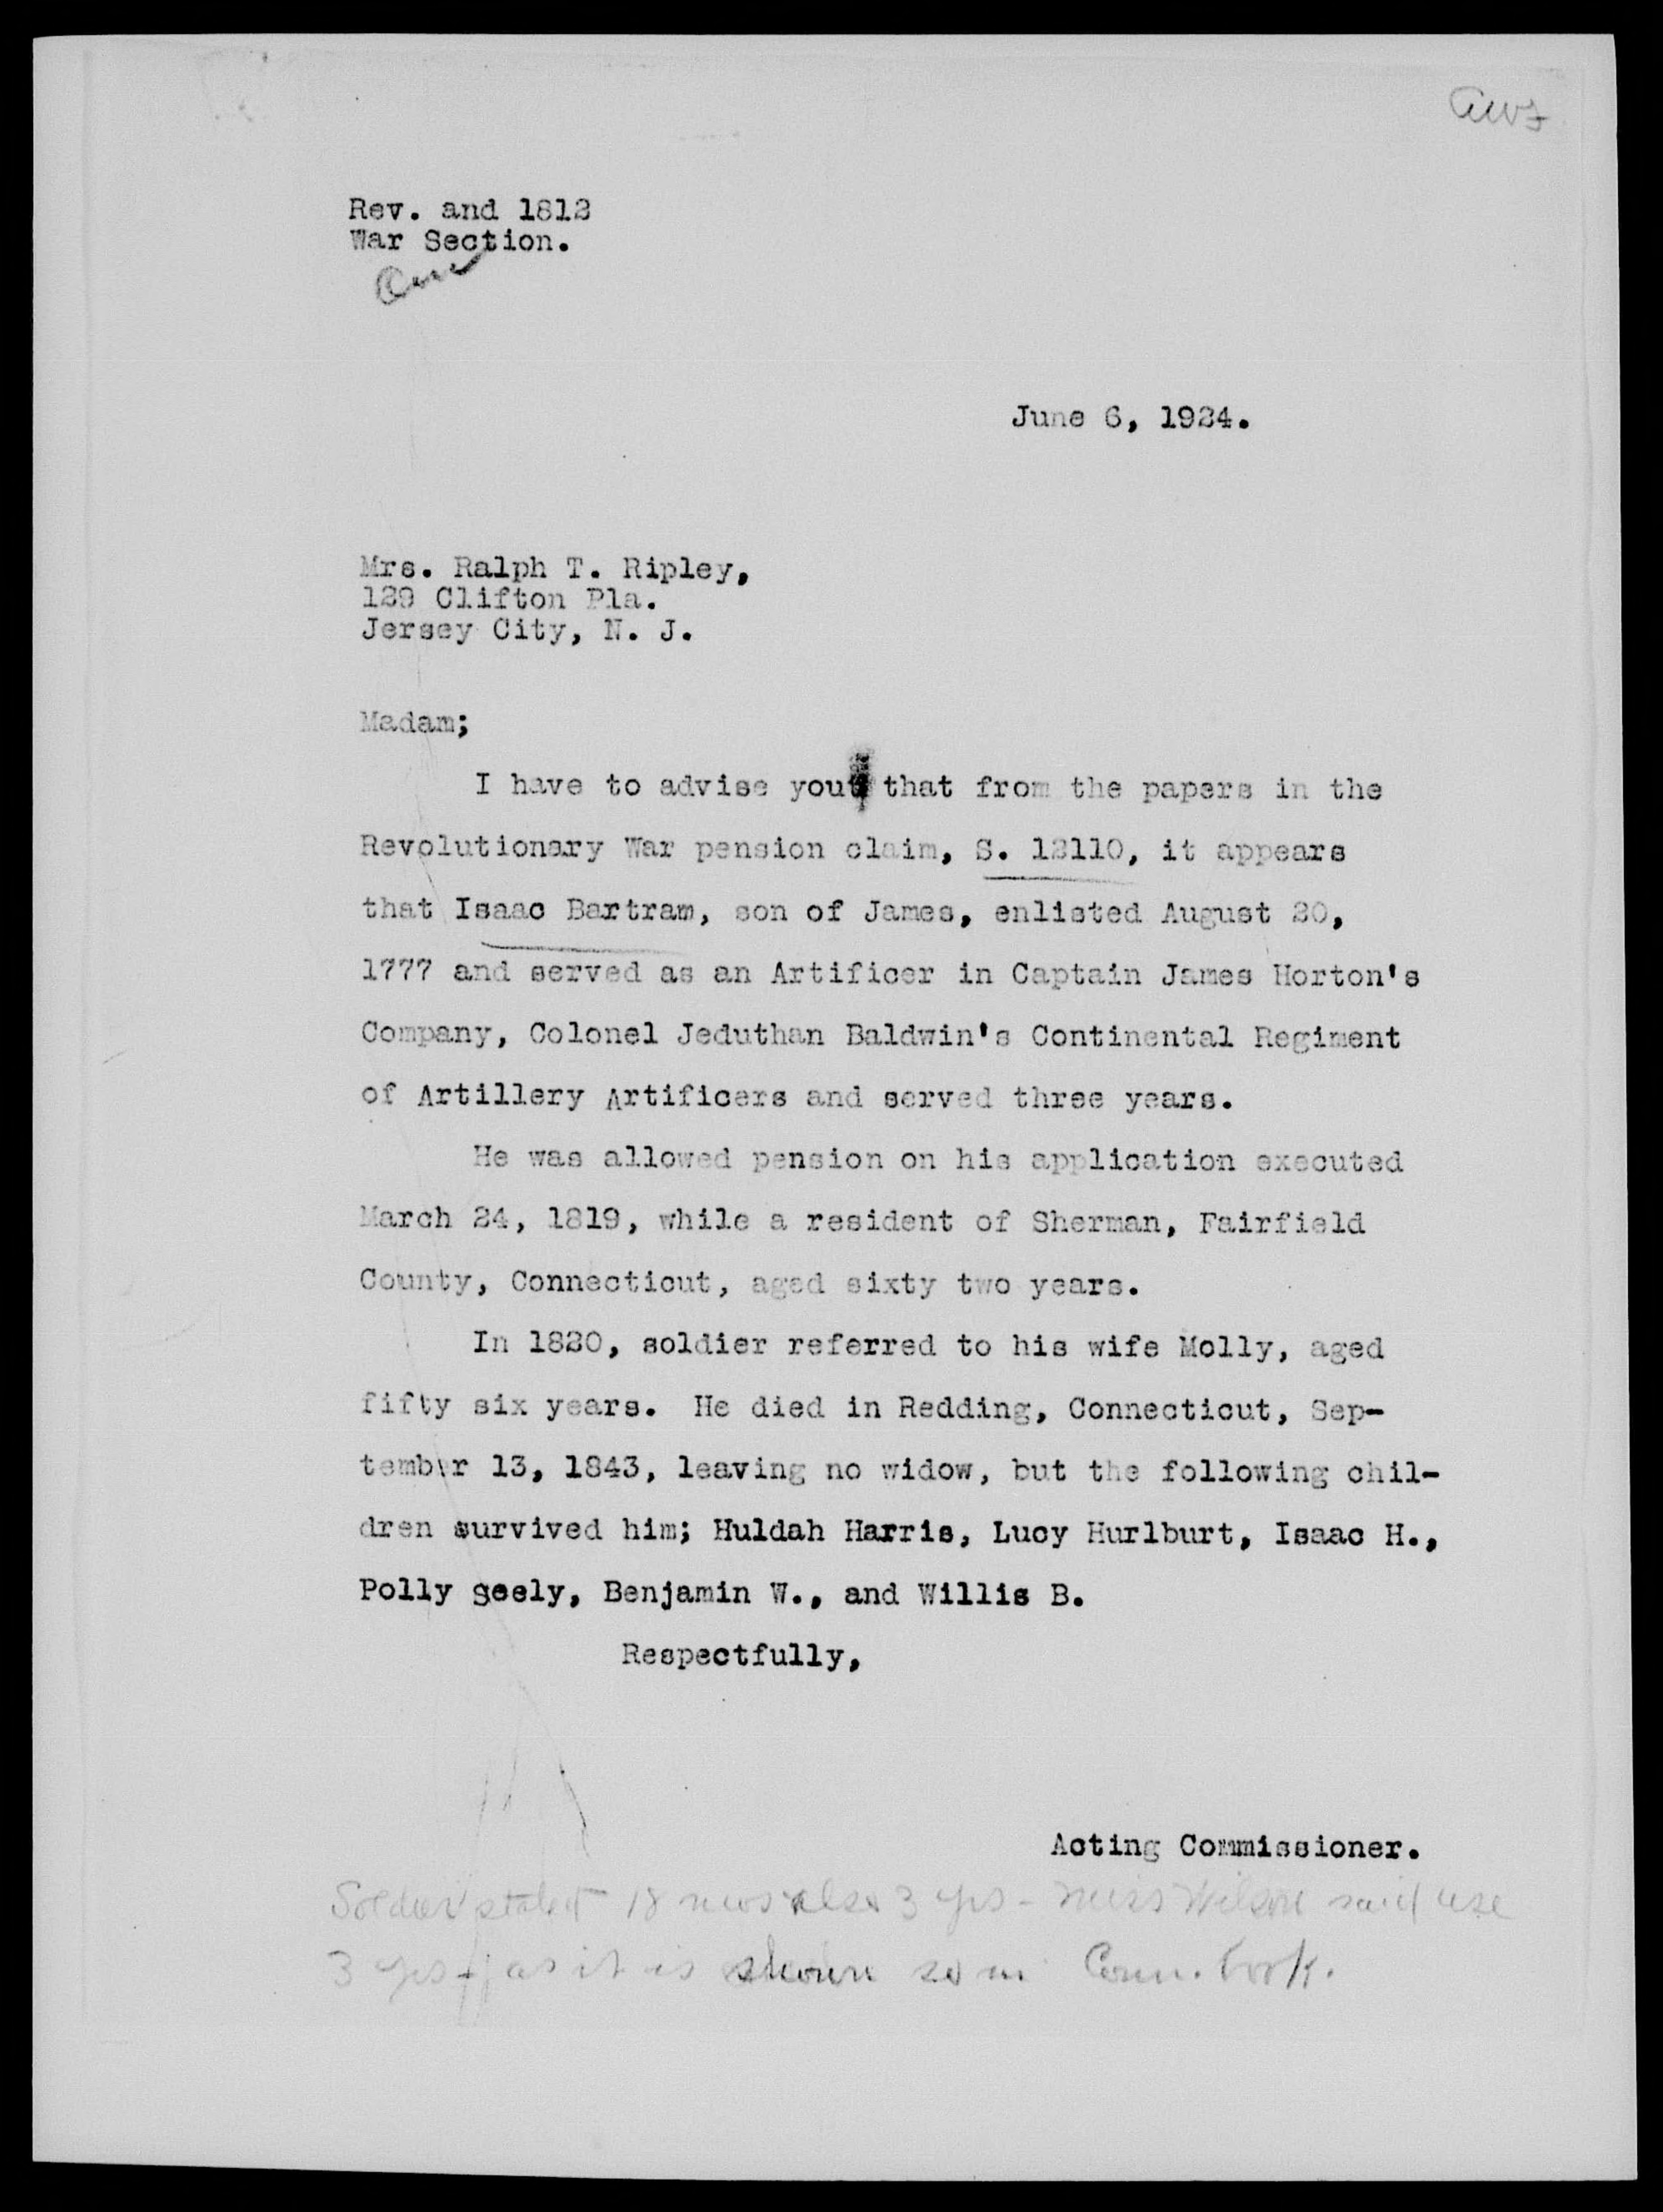Rev. and 1812
War Section.

June 6, 1924.

Mrs. Ralph T. Ripley,
129 Clifton Pla.
Jersey City, N. J.

Madam;

I have to advise you that from the papers in the
Revolutionary War pension claim, S. 12110, it appears
that Isaac Bartram, son of James, enlisted August 20,
1777 and served as an Artificer in Captain James Horton's
Company, Colonel Jeduthan Baldwin's Continental Regiment
of Artillery Artificers and served three years.

He was allowed pension on his application executed
March 24, 1819, while a resident of Sherman, Fairfield
County, Connecticut, aged sixty two years.

In 1820, soldier referred to his wife Molly, aged
fifty six years. He died in Redding, Connecticut, September
13, 1843, leaving no widow, but the following children
survived him; Huldah Harris, Lucy Hurlburt, Isaac H.,
Polly Seely, Benjamin W., and Willis B.
Respectfully,

Acting Commissioner.
Soldier stated 18 mos also 3 yrs - Miss Wilson said use
3 yrs as it is shown to in Conn. book.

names: Willis B, James, Ralph T Ripley, Lucy Hurlburt, Molly, Isaac H, Polly Seely, Wilson, Huldah Harris, Benjamin W, Isaac Bartram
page: 16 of 39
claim: survivor's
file: S. 12110, Isaac Bartram, Continental (Conn)